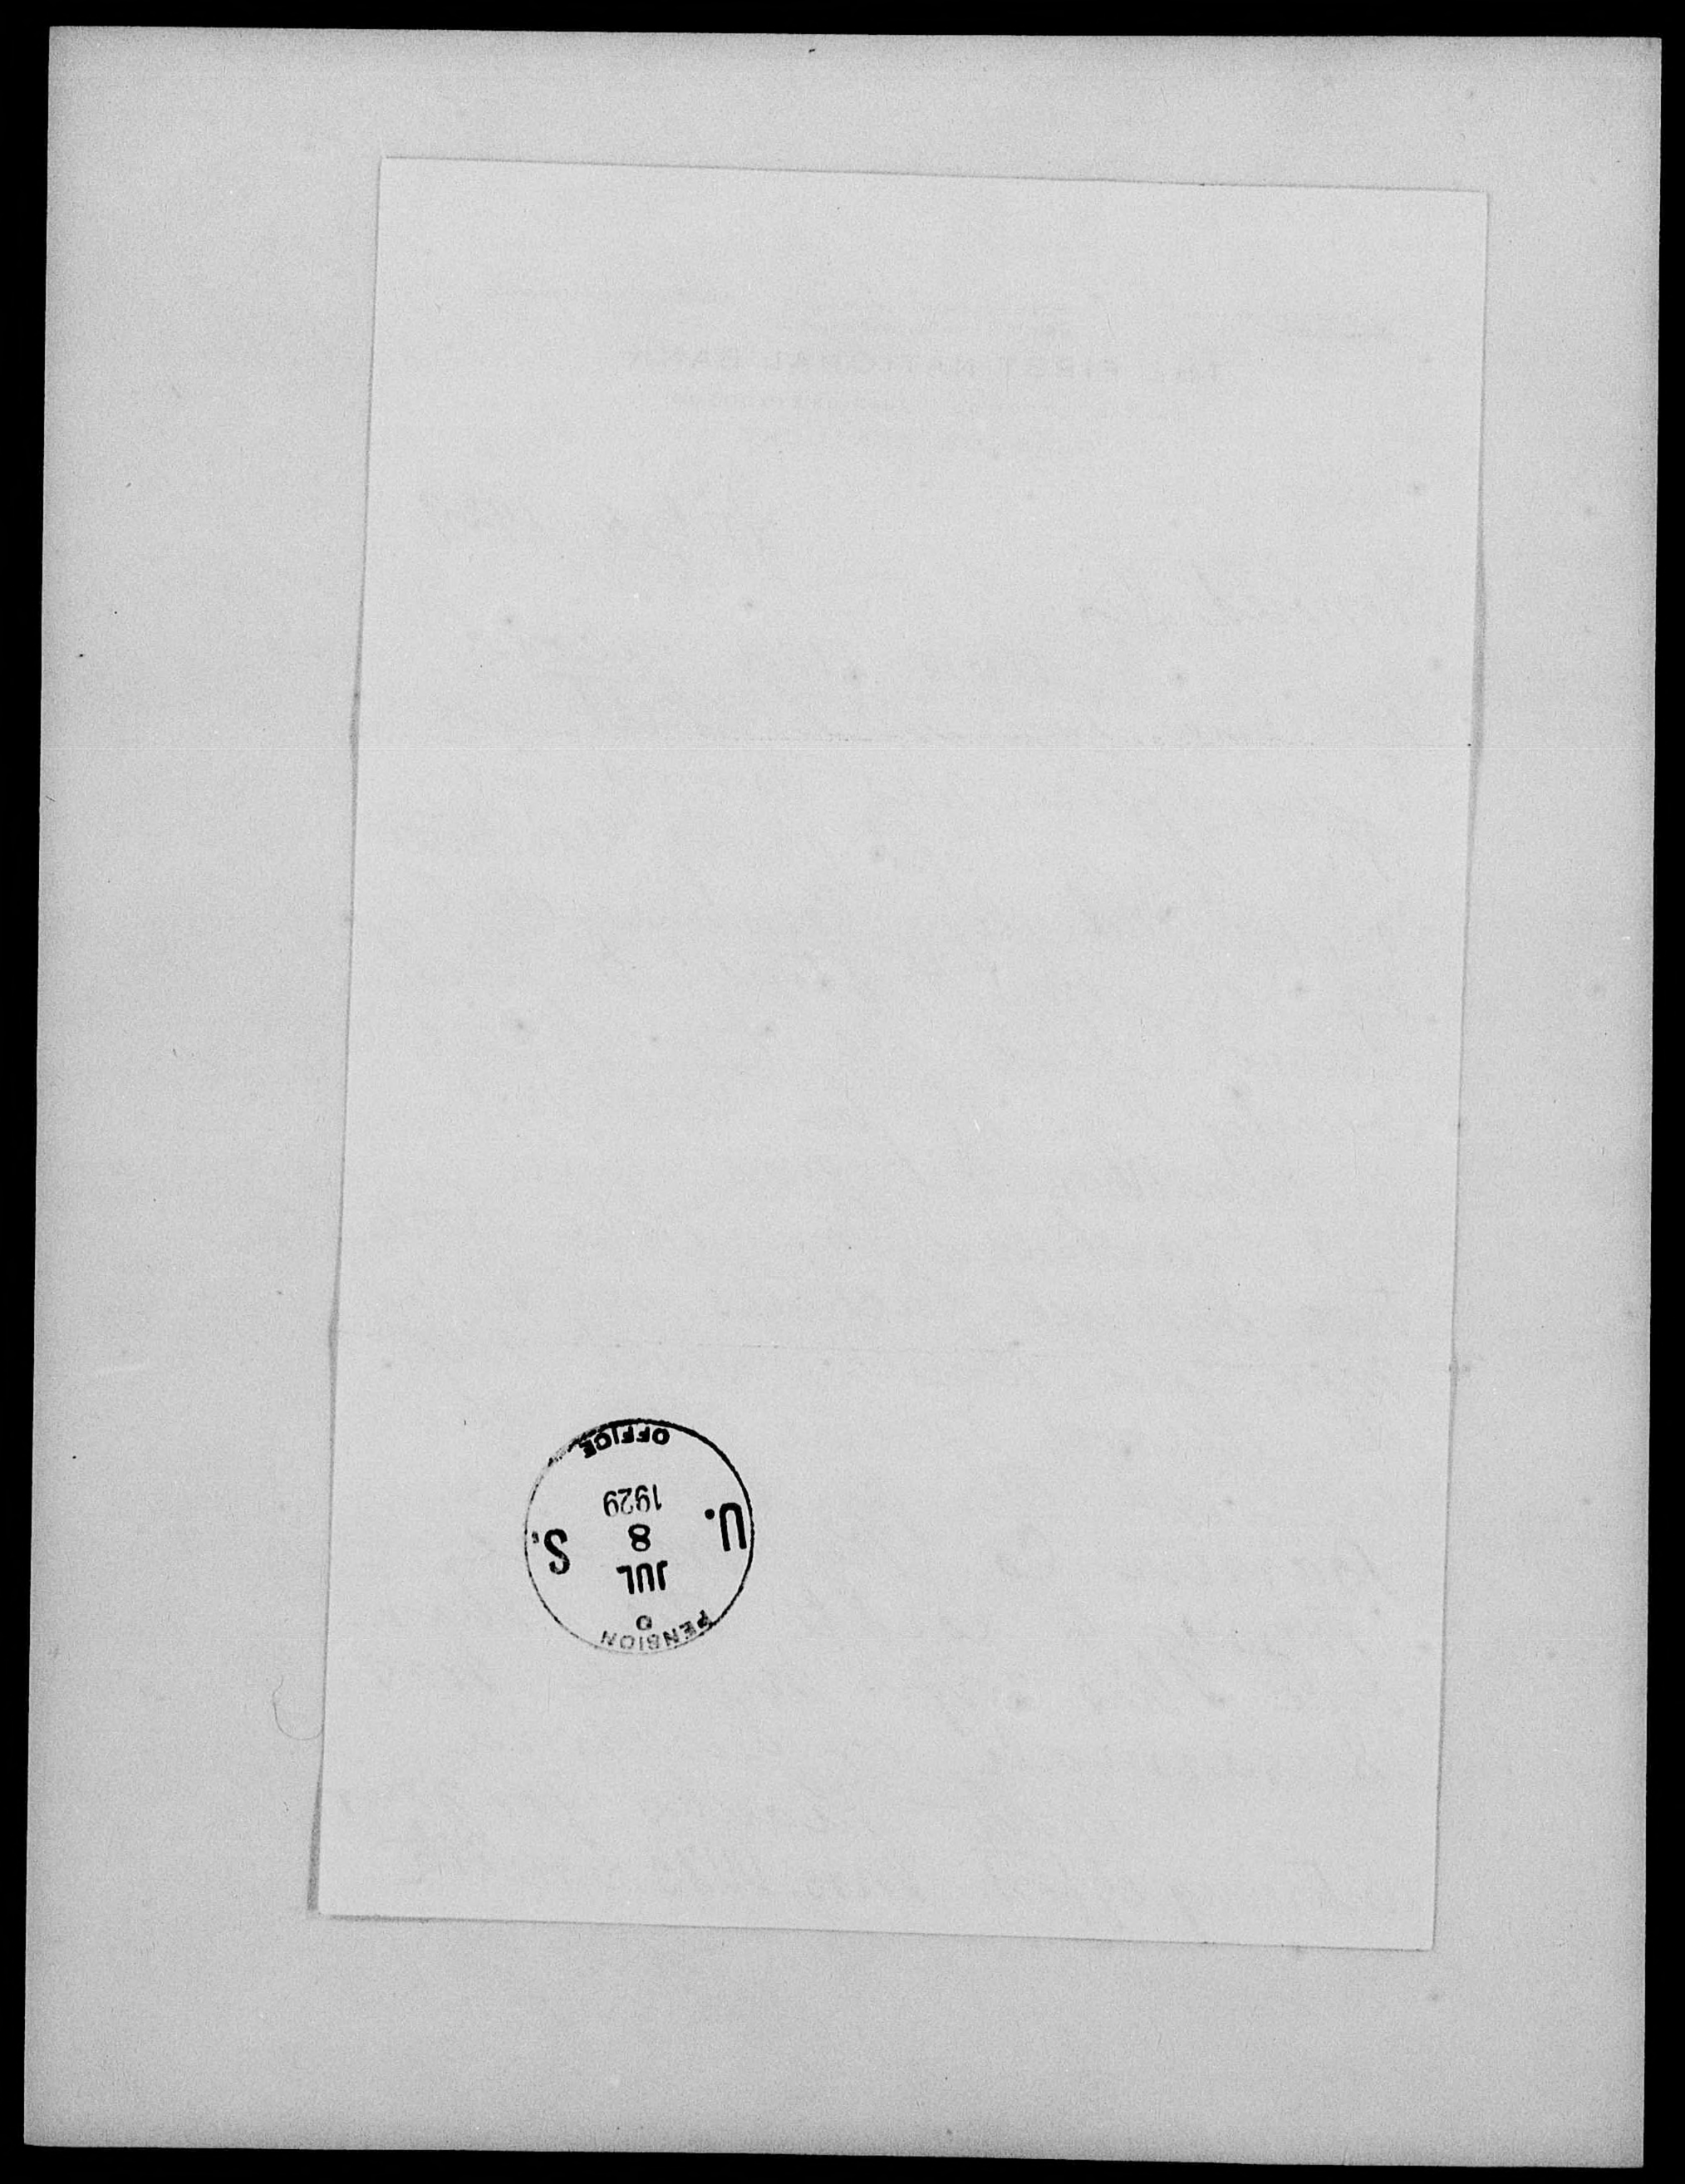[stamped] U. S. PENSION OFFICE O JUL 8 1929  [/stamped]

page: 17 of 34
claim: survivor's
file: S. 36,051, for Samuel Luckett, Maryland